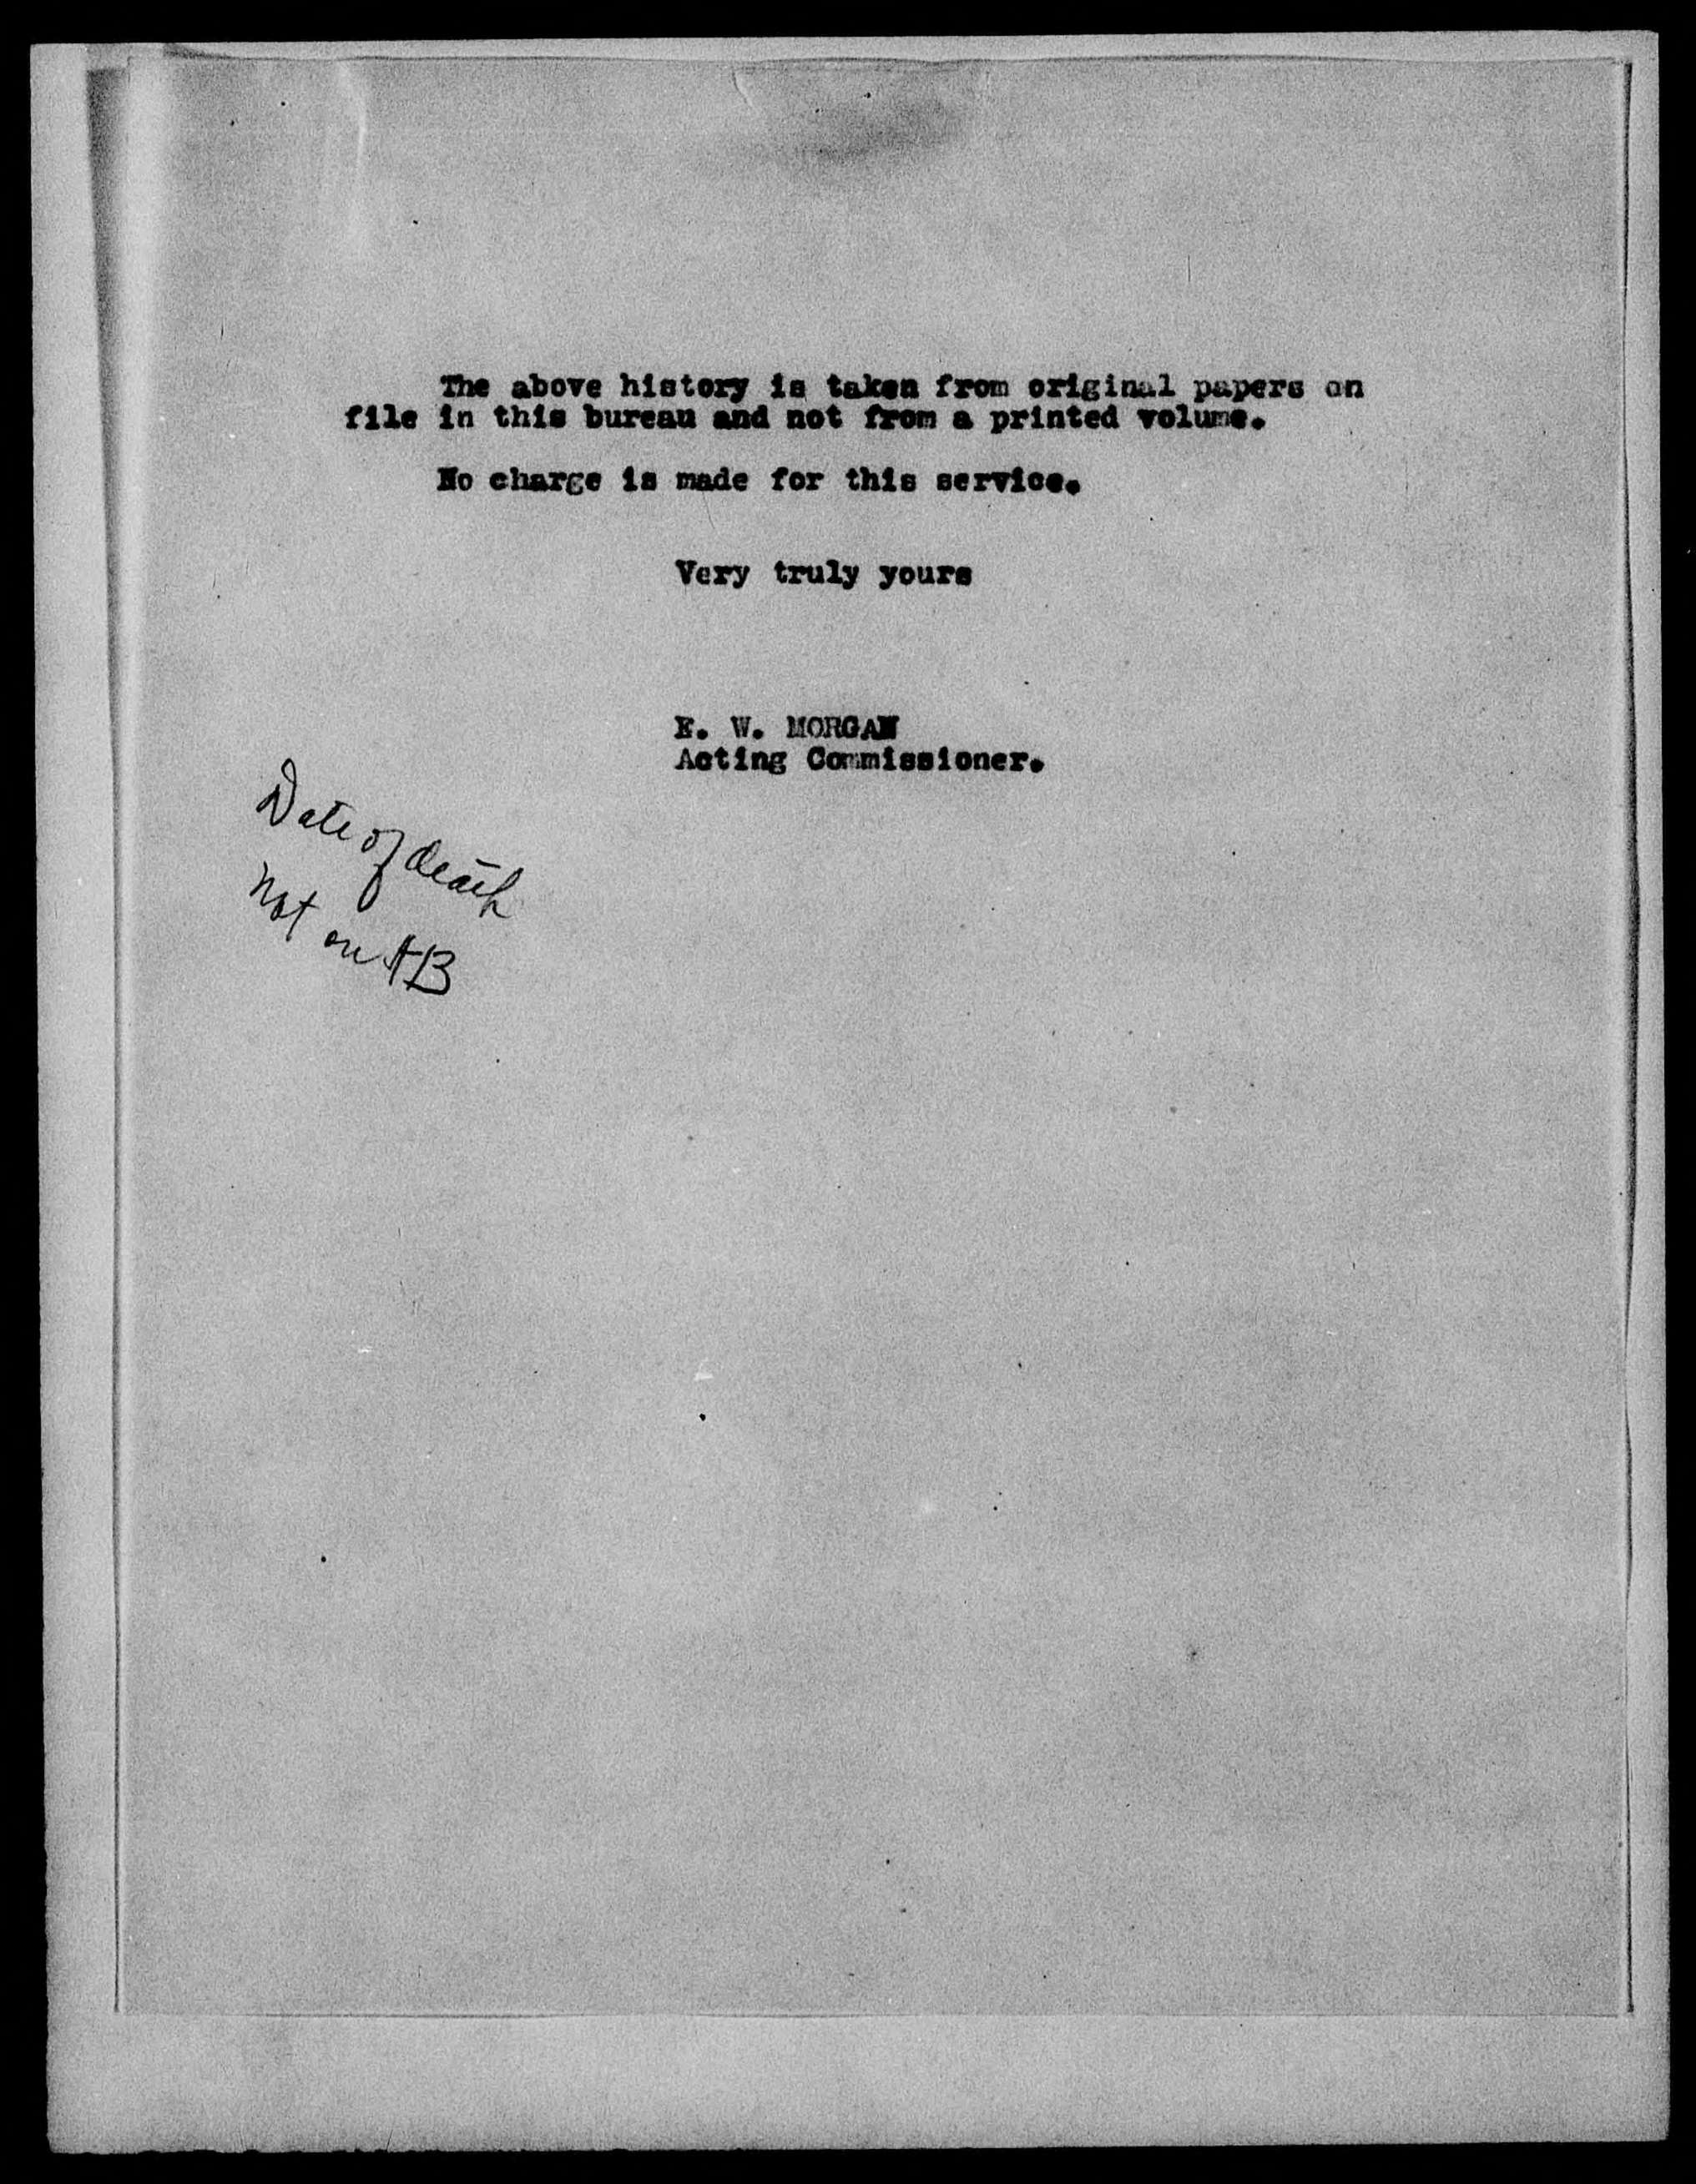The above history is taken from original papers on
file in this bureau and not from a printed volume.
No charge is made for this service.
Very truly yours
E. W. MORGAN
Acting Commissioner.
[handwritten note]
Date of death not on AB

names: E W Morgan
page: 30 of 30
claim: survivor's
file: S. 31753, John Holman, Va.